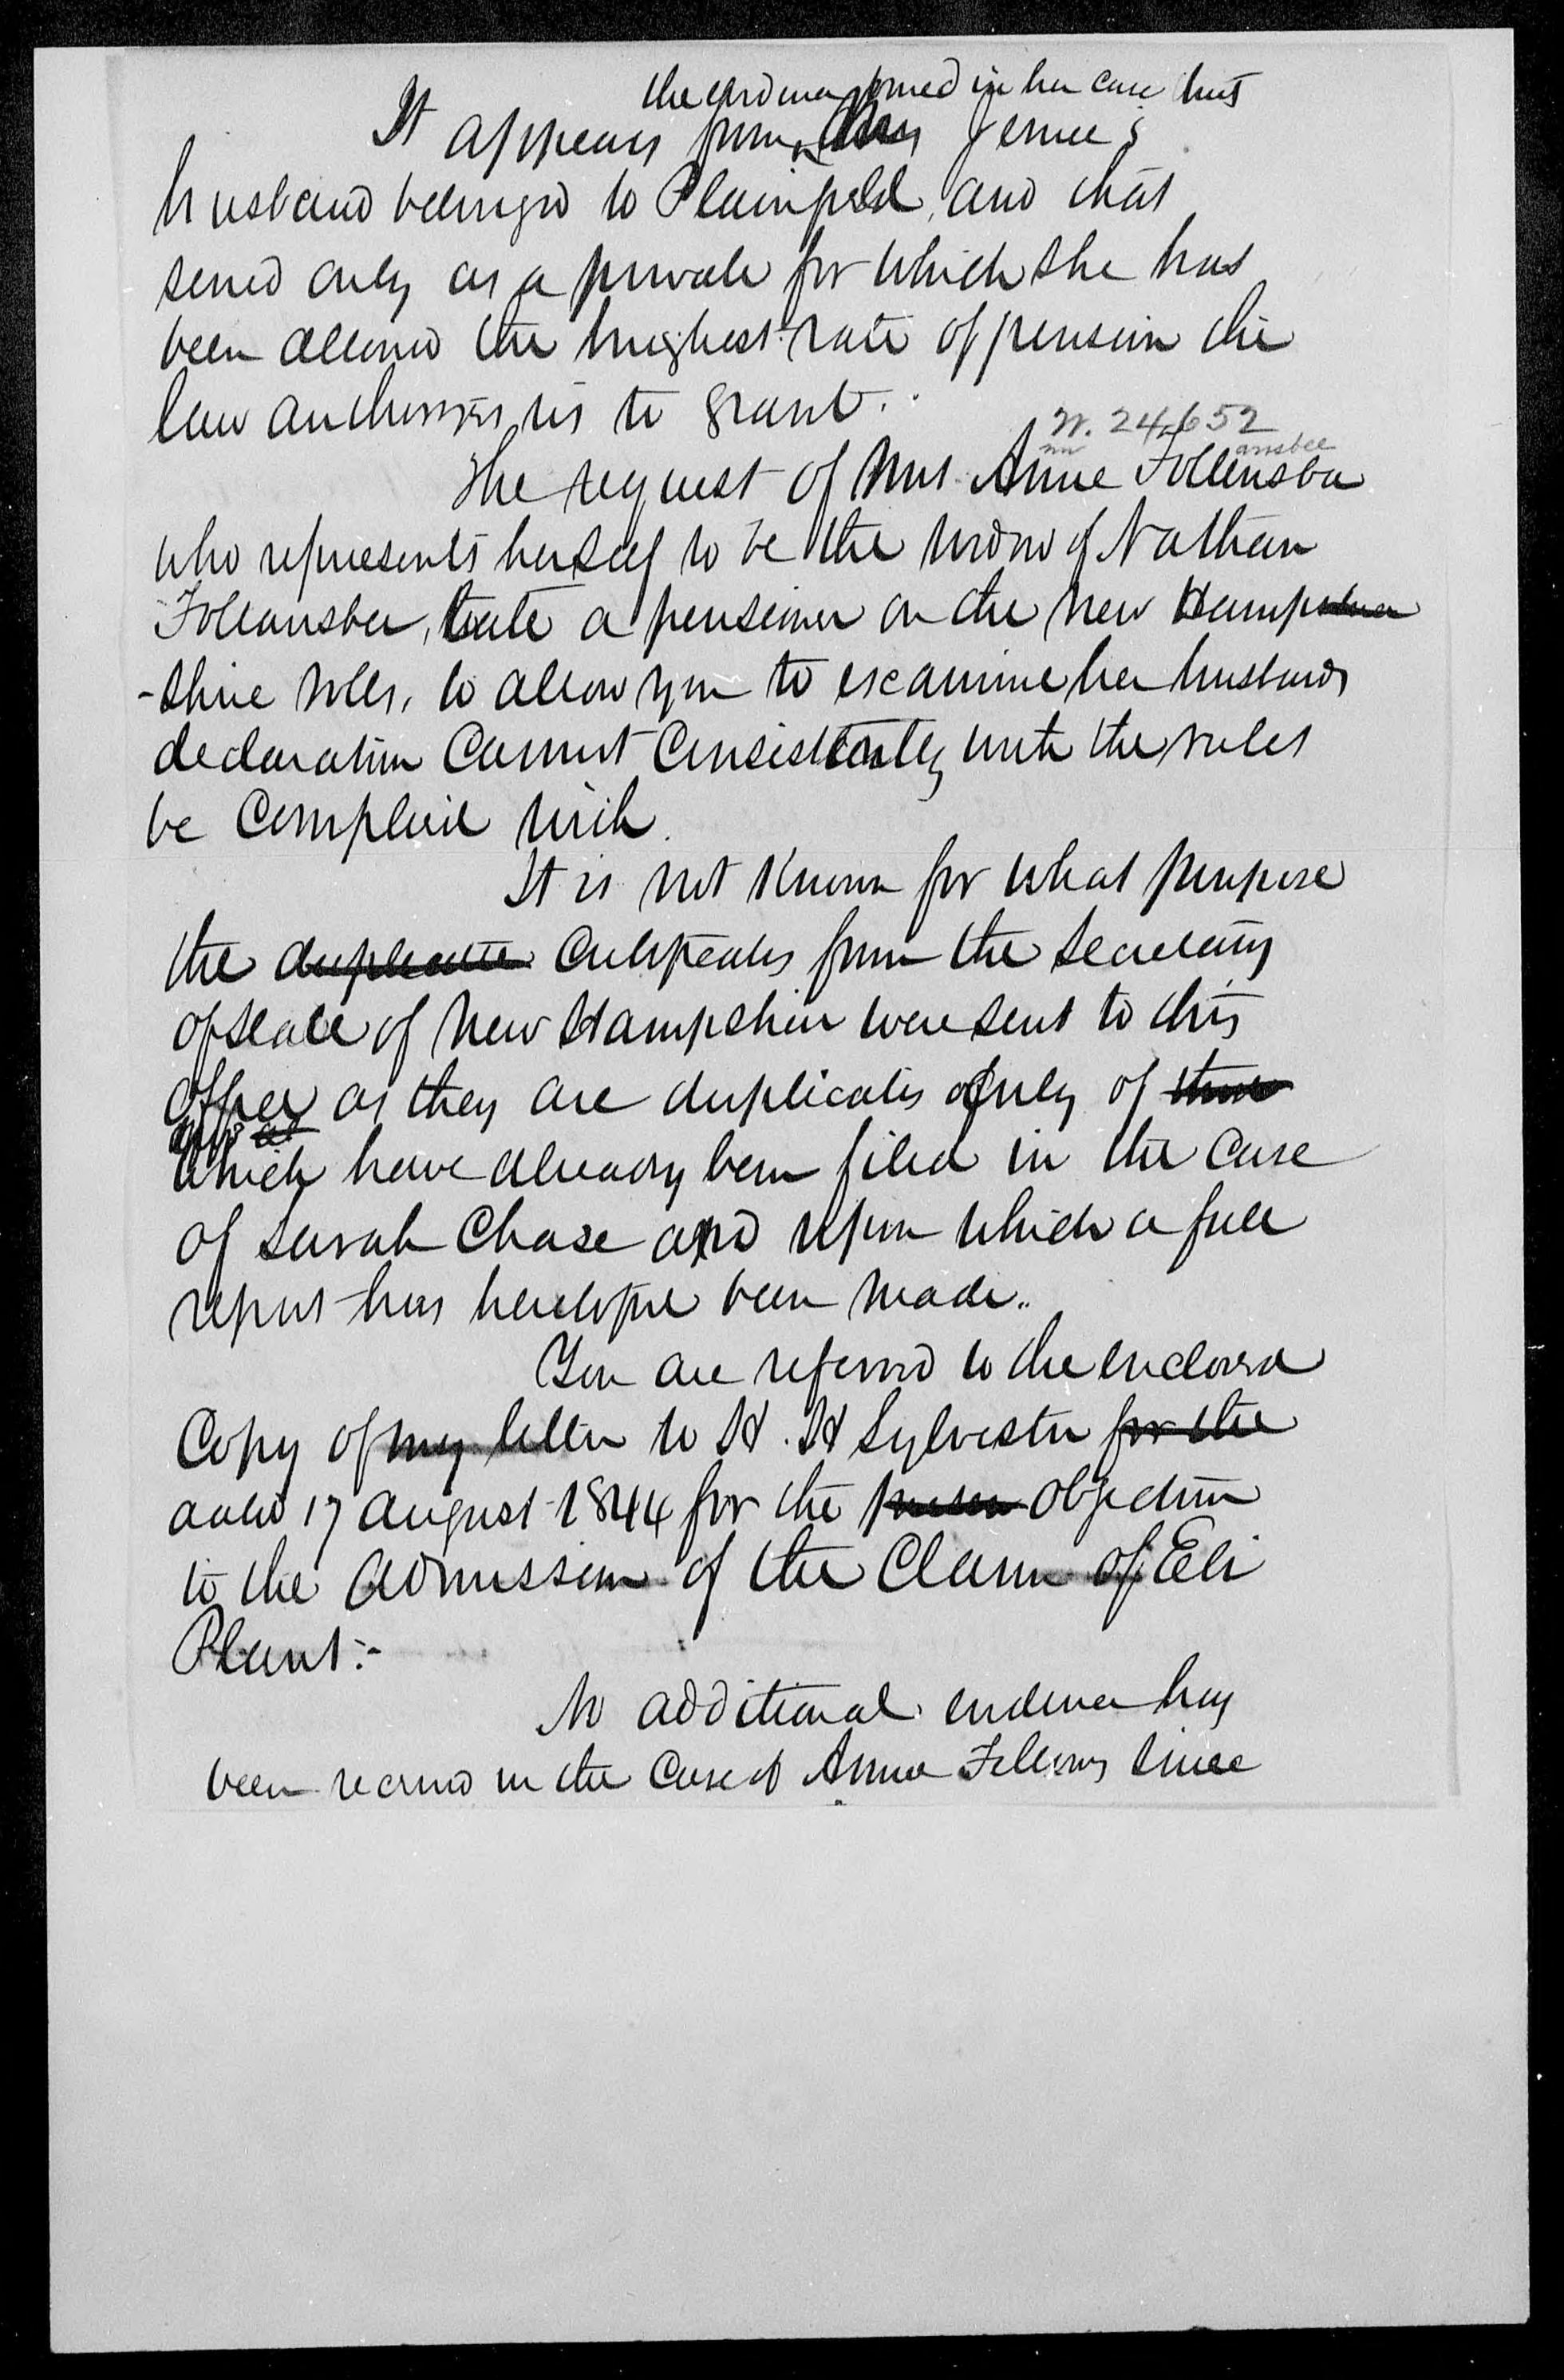It appears personally Jenue husband betrayed to Plainfield and has served duty as a private for which she has been allowed the highest rate of pension the law authorizes his to grant. 
The request of Mrs. Ann e Follansbee w.24652 who represents herself to be the widow of Nathan Follansbee late a pensioner on the New Hampshire roll to allow you to examine her husbands declaration [illegible] consistently with the rules be complied with. 
It is not shown for what purpose the [culprits] from the secretary of said New Hamsire were sent to this office as they are duplicates duly of which have always been filed in the case of Sarah Chase and w/in which a full repas has have been made. 
You are referred to the enclosed copy of my letter to sd Sylvester [illegible] 17 August 1844 for the objection to the commission of the claim of Eli Blunt. 
No additional evidence has been recorded in the case of Anna Fallowsbee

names: Sarah Chase, Nathan Follansbee, Ann Follansbee, Jerme, Anna Fellows, H H Sylvester, Anne Follensbee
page: 30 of 42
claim: rejected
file: R. 2,625, Benjamin Dake, R.I.